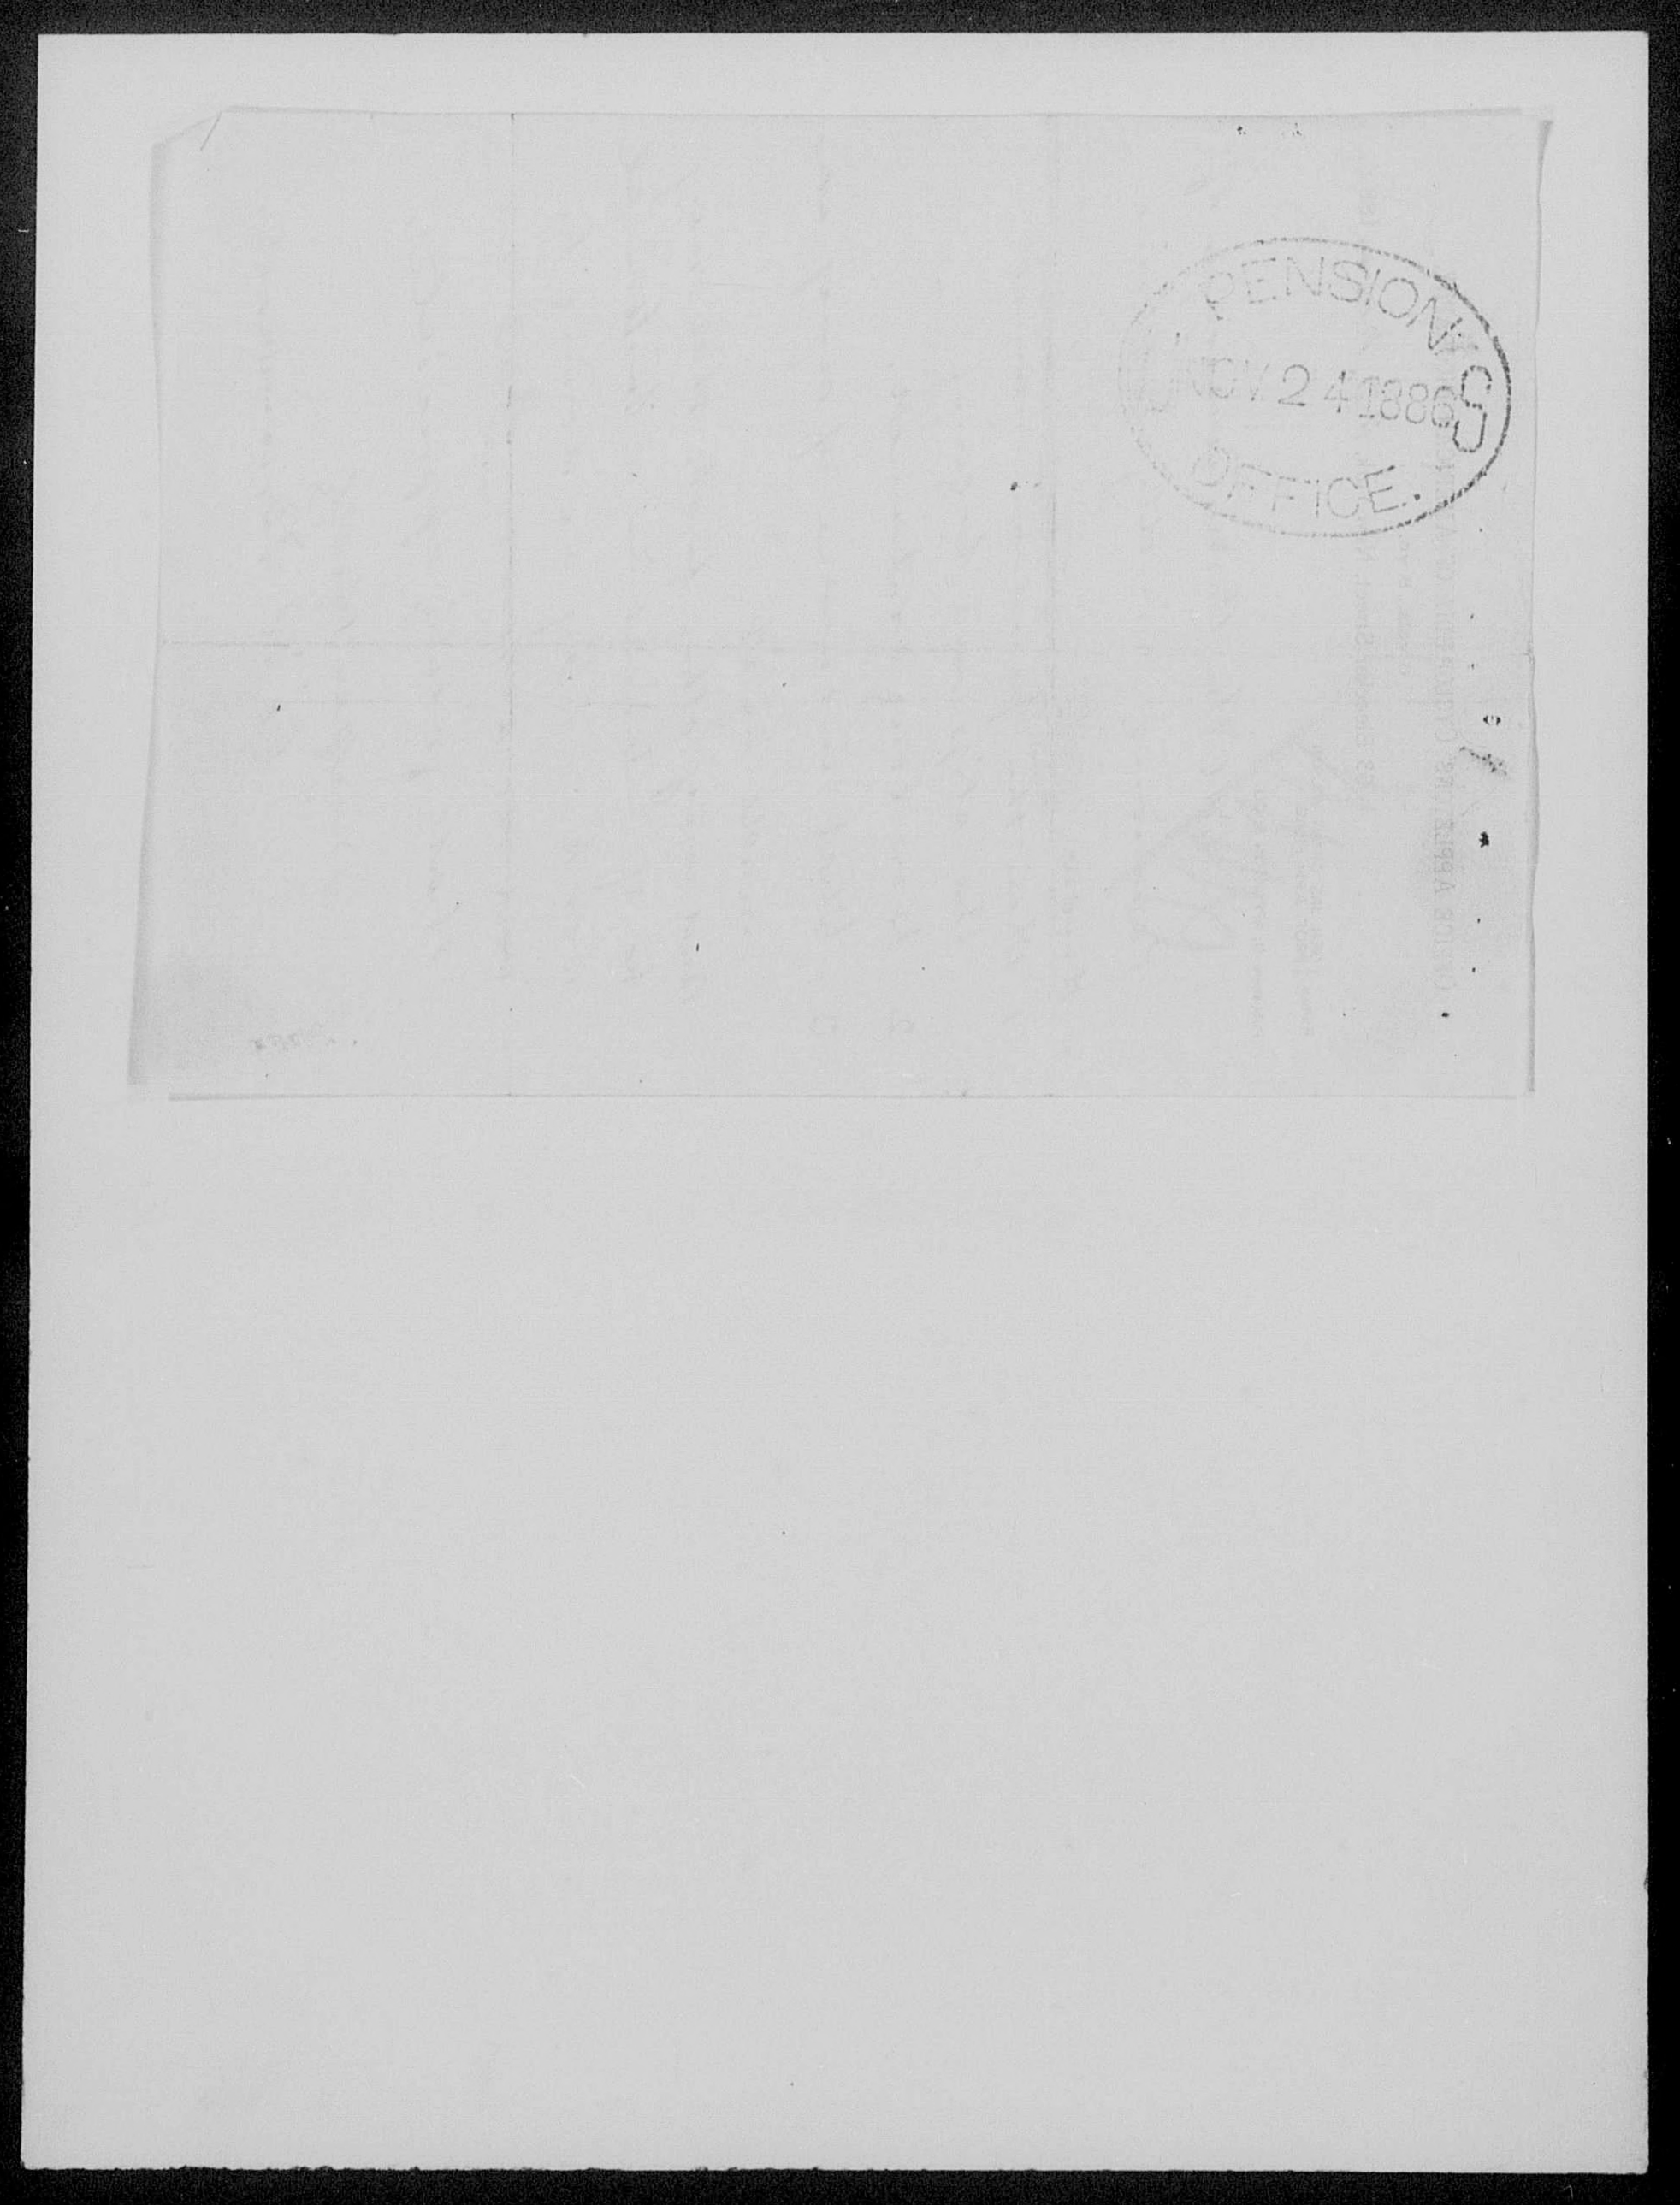[Imprint of stamp - somewhat faded]
PENSION OFFICE
NOV 24 1886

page: 43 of 56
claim: survivor's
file: S. 40,055, Samuel Downing, N.H.